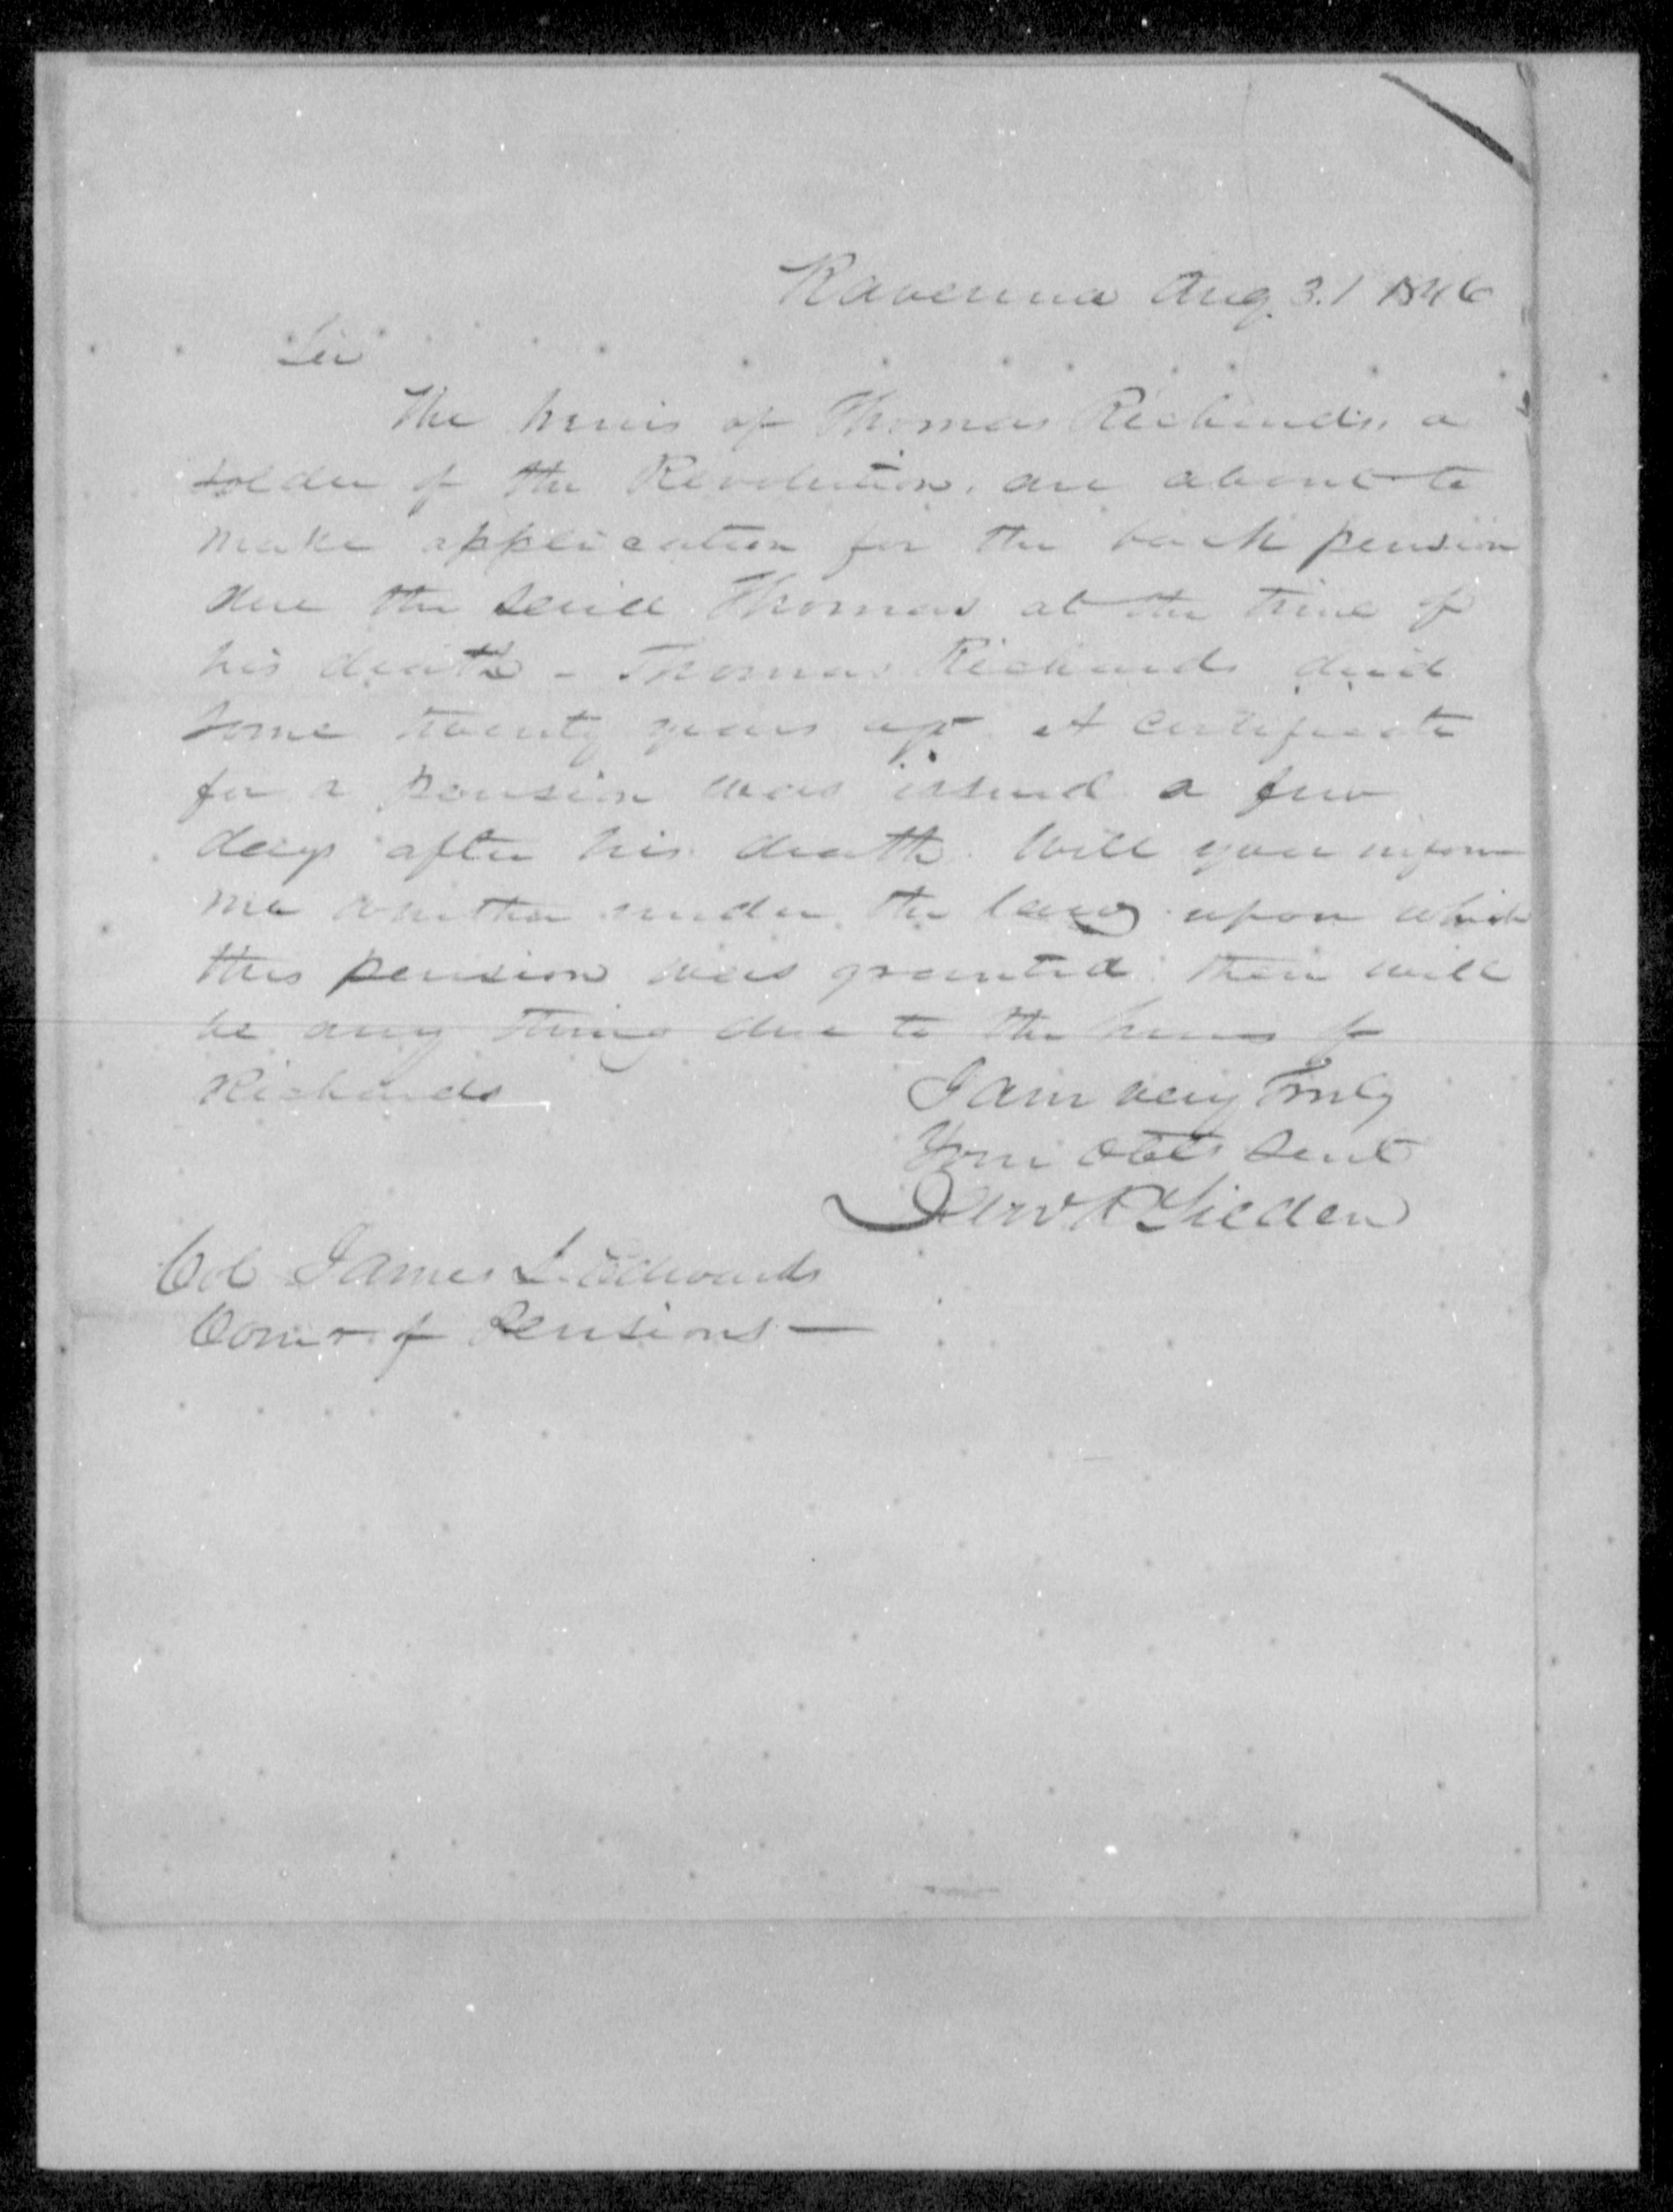Ravenna Aug 3. 1846
Sir
The heirs of Thomas Richards, a solder [SOLDIER] of the Revolution, are about to make application for the back pension due the said Thomas at the time of his death - Thomas Richards died some twenty years ago A certificate for a pension was issued a few days after his death Will you inform me whether under the law upon which this pension was granted there will be any thing [sic] due to the heirs of  Richards
I am very truly
Your obt [OBEDIENT] sevt [SERVANT]
Danl [DANIEL] Tilden
Col [COLONEL] James L Edwards
Comr [COMMISSIONER] of Pensions-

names: Thomas Richards; James L Edwards; [BLANK] Richards; Thomas Richards; Danl R Tilden; Thomas [BLANK]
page: 87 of 109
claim: widow's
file: W. 5709, for Thomas Richards, New Hampshire